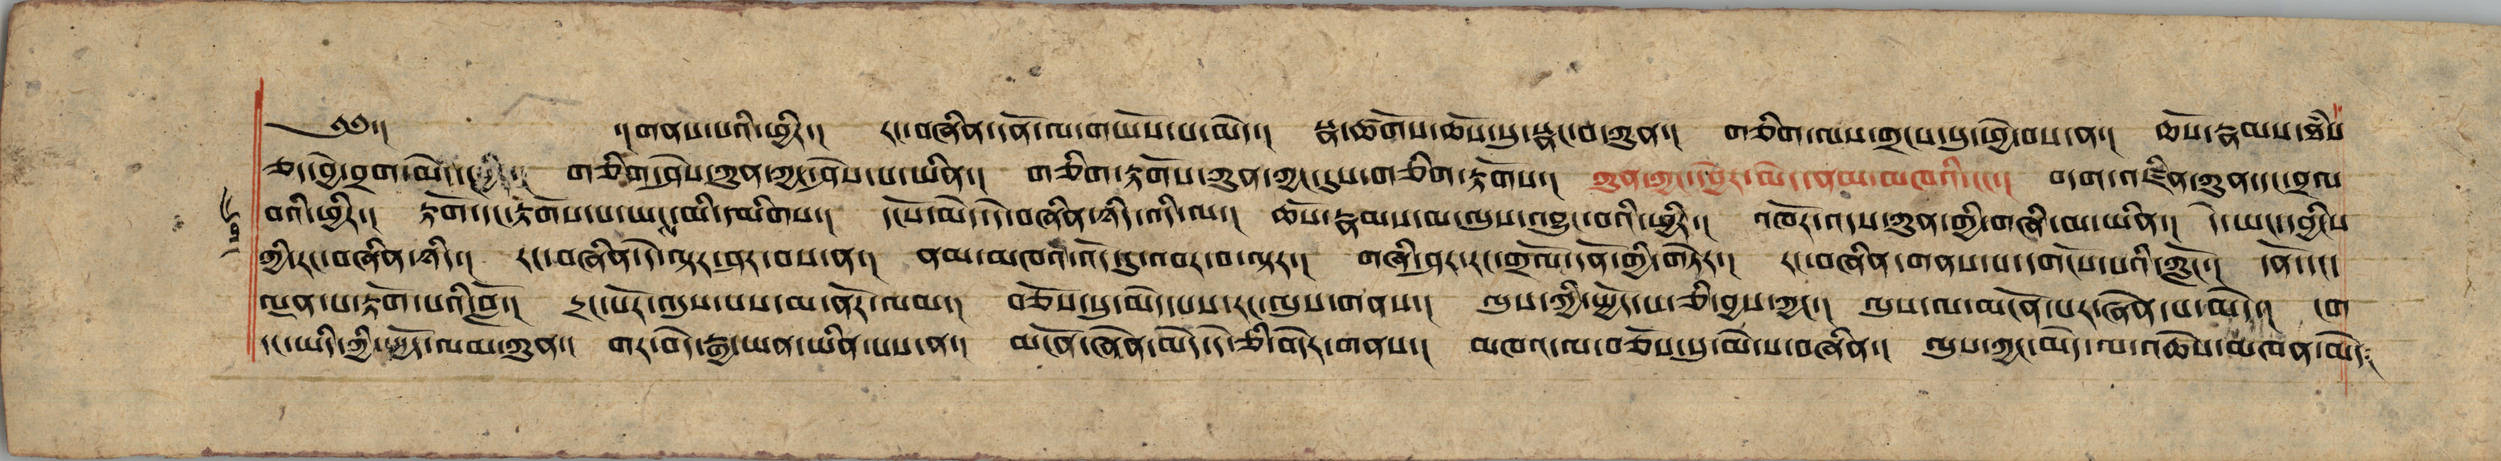༄༅་། ་།གནས་པའི་ཕྱིར་། རང་བཞིན་དོན་ལ་གཡོས་པ་མེད་། སྣ་ཚོགས་ཆོས་སུ་སྣང་བ་ཀུན་། གཅིག་ལས་གྲངས་སུ་ཕྱེ་བས་ན་། ཆོས་རྣམས་ཐཾས
ཅད་བྱེ་བྲག་མེད་། གཅིག་ཤེས་ཀུན་ཀྱང་ཤེས་པ་ཡིན་། གཅིག་རྟོགས་ཀུན་ཀྱང་དུས་གཅིག་རྟོགས་། ཀུན་ཀྱང་དབྱེར་མེད་ནམ་མཁའི་ངང་། བདག་འཛིན་ཀུན་དང་བྲལ
བའི་ཕྱིར་། རྟོག་དང་རྟོགས་པ་ཡང་མི་དམིགས་། དངོས་མེད་དེ་བཞིན་ཉིད་འདི་ལ་། ཆོས་རྣམས་མ་ལུས་འབྱུང་བའི་ཕྱིར་། འཁོར་འདས་ཀུན་གྱི་གཞི་མ་ཡིན་། དེ་ཡང་དབྱིངས་
གྱི་རང་བཞིན་ཉིད་། རང་བཞིན་དེ་ལྟར་ཤར་བས་ན་། ནམ་མཁའི་འོད་ཏུ་འབར་བ་ལྟར་། གཞི་ཤར་རང་གྲོལ་དོན་གྱི་གཏེར་། རང་བཞིན་གནས་པ་དགོངས་པའི་ཀློང་། དོན་དང་
ལྡན་པ་རྟོག་པའི་བློ་། དྲང་པོར་འདུས་པས་མ་ནོར་ལམ་། བཅོས་སུ་མེད་པས་རང་ལུས་གནས་། ལུས་ཀྱི་སྤྱོད་པ་ཅི་བྱས་ཀྱང་། ལུས་ལ་མངོན་པར་ཞེན་པ་མེད་། ངག
དང་ཡིད་ཀྱི་སྤྱོད་ལམ་ཀུན་། གར་བདེ་རྒྱ་ཡན་ཡིན་པས་ན་། མངོན་ཞེན་མེད་དེ་ཅི་བདེར་གནས་། མཁའ་ལ་བཅོས་སུ་མེ་ས་བཞིན་། ལུས་ཀྱང་མེད་ལ་འཆེས་མཁན་མེད